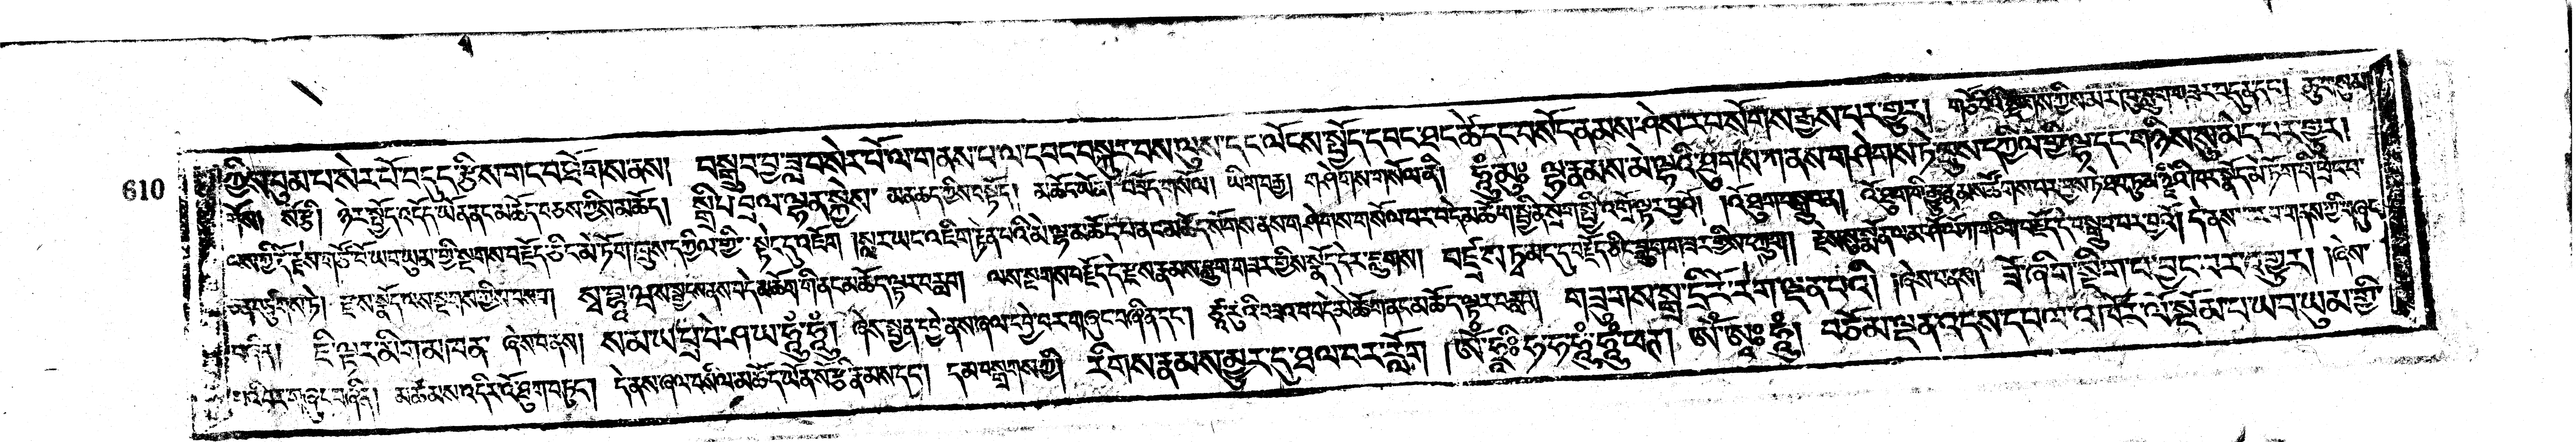ཀྱིས་བུམ་པ་སེར་པོ་བདུད་རྩིས་གང་བ་ཐོགས་ནས། བསྒྲུབ་བྱ་ཟླ་བ་སེར་པོ་ལ་གནས་པ་ལ་དབང་བསྐུར་བས་ལུས་དང་ལོངས་སྤྱོད་དབང་ཐང་ཚེ་དང་བསོད་ནམས་ཤེས་རབ་སོགས་རྒྱས་པར་གྱུར། གཙོ་བོའི་སྔགས་ཀྱིས་མར་ཁུ་བླུག་གཟར་བདུན་དང་། ཆུ་གསུམ་
གོས། སོ་རྩི། ཉེར་སྤྱོད་འདོད་ཡོན་ནང་མཆོད་བཅས་ཀྱིས་མཆོད། སྒྲིབ་བྲལ་ལྷན་སྐྱེས་མན་ཆད་ཀྱིས་བསྟོད། མཆོད་ཡོན། བཟོད་གསོལ། ཡིག་བརྒྱ། གཤེགས་གསོལ་ནི།  ཧཱུཾ་མུཿལྷ་རྣམས་མེ་ལྷའི་ཐུགས་ནས་གཤེགས་ཏེ་ཁྲུས་དཀྱིལ་གྱི་ལྷ་དང་གཉིས་སུ་མེད་པར་གྱུར།
ལས་ཀྱི་རྡོ་རྗེས་གཙོ་བོ་ཡབ་ཡུམ་གྱི་སྔགས་བརྗོད་ཅིང་མེ་ཏོག་ཁྲུས་དཀྱིལ་གྱི་སྟེང་དུ་འཇོག །སླར་ཡང་འཇིག་རྟེན་པའི་མེ་ལྷ་མཆོད་པ་ནང་མཆོད་སོགས་ནས་གཤེགས་གསོལ་བར་བདེ་མཆོག་སྦྱིན་སྲེག་སྤྱི་འགྲོ་ལྟར་བྱའོ། །འོ་ཐུག་བསྒྲུབ་ན། འོ་ཐུག་གི་རྒྱུ་རྣམས་ཚོགས་པར་བྱས་ཏེ་ཐབ་ཏུ་མཉྫིའི་ཁར་སྣོད་མེ་ཏོག་གི་ཕྲེང་བ་
ཅན་བཙུགས་ཏེ། རྫས་སྣོད་ལས་སྔགས་ཀྱིས་བསང་། སྭ་བྷཱ་ཝས་སྦྱངས་ནས་བདེ་མཆོག་གི་ནང་མཆོད་ལྟར་བརླབ། ལས་སྔགས་བརྗོད་དེ་རྫས་རྣམས་བླུག་གཟར་གྱིས་སྣོད་དེར་བླུགས།  བཛྲ་ས་ཏྭ་མང་དུ་བརྗོད་ཅིང་བླུག་གཟར་གྱིས་དཀྲུག། རྗེས་སུ་སྨོན་ལམ་ཤོ་ལོ་ཀ་གཅིག་བརྗོད་དེ་བསྒྲུབ་པར་བྱའོ། དེ་ནས་རབ་གནས་ཀྱི་གཞུང་
བཞིན། ཇི་ལྟར་མིག་མཁན་ཞེས་པ་ནས། ས་མ་ཡ་པྲ་བེ་ཤ་ཡ་ཧཱུཾ་ཧཱུཾ། ཞེས་སྤྱན་དབྱེ་ནས་ཞལ་དབྱེ་བར་གཞུང་བཞིན་དང་། ཙཱ་རུའི་བཟའ་བ་བདེ་མཆོག་ནང་མཆོད་ལྟར་བརླབ།  གཞུགས་སྒྲ་དྲི་རོ་རེག་ལྡན་པའི། །ཞེས་པ་ནས།  ཟོ་ཞིག་སྡིག་པ་བྱང་བར་འགྱུར། །ཞེས་
པའི་བར་གཞུང་བཞིན། མཚམས་འདིར་འོ་ཐུག་བཏུང་། དེ་ནས་ཞལ་བསིལ་མཆོད་ཡོན་སོ་རྩི་རྣམས་དང་། དམ་བསྒྲགས་ཀྱི། རིགས་རྣམས་མྱུར་དུ་ཐལ་བར་རློག །ཨོཾ་ཧྲཱིཿཧ་ཧ་ཧཱུཾ་ཧཱུཾ་ཕཊ། ཨོཾ་ཨཱཿཧཱུཾ། བཅོམ་ལྡན་འདས་དཔལ་འཁོར་ལོ་སྡོམ་པ་ཡབ་ཡུམ་གྱི་